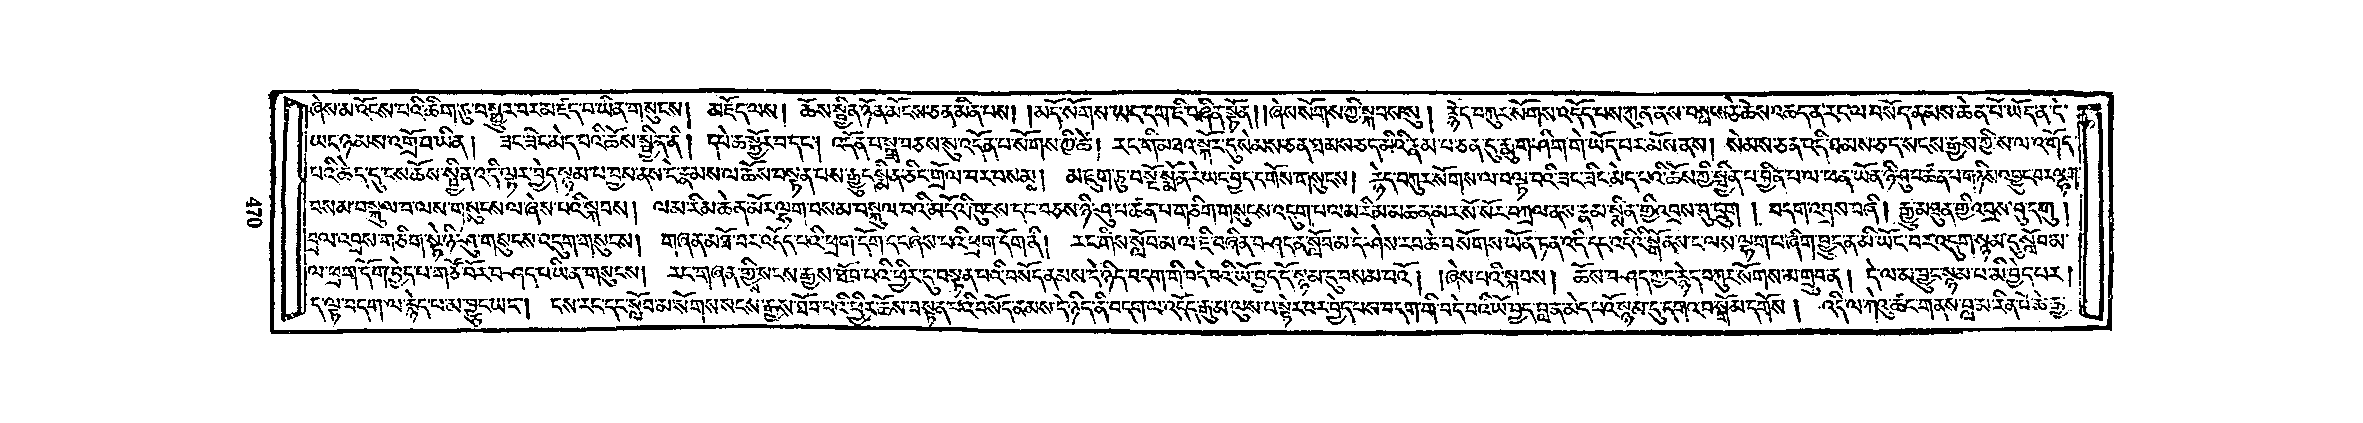ཞེས་མ་འོངས་པའི་ཚིག་ཏུ་བསྒྱུར་བར་མཛད་པ་ཡིན་གསུངས། མཛོད་ལས། ཆོས་སྦྱིན་ཉོན་མོངས་ཅན་མིན་པས། །མདོ་སོགས་ཡང་དག་ཇི་བཞིན་སྟོན། །ཞེས་སོགས་ཀྱི་སྐབས་སུ། རྙེད་བཀུར་སོགས་འདོད་པས་ཀུན་ནས་བསླངས་ཅེ་ཆེས་འཆད་ན་རང་ལ་བསོད་ནམས་ཆེན་པོ་ཡོད་ན་དེ་
ཡང་ཉམས་འགྲོ་བ་ཡིན། ཟང་ཟིང་མེད་པའི་ཆོས་སྦྱིན་ནི། དཔེ་ཆ་སྐྱོར་བ་དང་། འདོན་པ་སྒྲ་བཅས་སུ་འདོན་པ་སོགས་ཀྱི་ཚེ། རང་གི་མཐའ་སྐོར་དུ་སེམས་ཅན་ཐམས་ཅད་མིའི་རྣམ་པ་ཅན་དུ་རྨུག་ཤིག་གེ་ཡོད་པར་མོས་ནས། སེམས་ཅན་འདི་ཐམས་ཅད་སངས་རྒྱས་ཀྱི་ས་ལ་འགོད་
པའི་ཆེད་དུ་ངས་ཆོས་སྦྱིན་འདི་ལྟར་བྱེད་སྙམ་པ་བྱས་ནས་དེ་རྣམས་ལ་ཆོས་བསྟན་པས་རྒྱུད་སྨིན་ཅིང་གྲོལ་བར་བསམས། མཇུག་ཏུ་བསྔོ་སྨོན་རེ་ཡང་བྱེད་དགོས་གསུངས། རྙེད་བཀུར་སོགས་ལ་བལྟ་བའི་ཟང་ཟིང་མེད་པའི་ཆོས་ཀྱི་སྦྱིན་པ་བྱིན་པ་ལ་ཕན་ཡོན་ཉི་ཤུ་པ་ཚན་པ་གཉིས་འབྱུང་བར་ལྷག་
བསམ་བསྐུལ་བ་ལས་གསུངས་ལ་ཞེས་པའི་སྐབས། ལམ་རིམ་ཆེན་མོར་ལྷག་བསམ་བསྐུལ་བའི་མདོའི་ཁུངས་དང་བཅས་ཉི་ཤུ་པ་ཚན་པ་གཅིག་གསུངས་འདུག་པ་ལམ་རིམ་མཆན་མར་སོ་སོར་བཀྲལ་ནས་རྣམ་སྨིན་གྱི་འབྲས་བུ་དྲུག །བདག་འབྲས་བཞི། རྒྱུ་མཐུན་གྱི་འབྲས་བུ་དགུ།
བྲལ་འབྲས་གཅིག་སྟེ་ཉི་ཤུ་གསུངས་འདུག་གསུངས། གཞན་མཐོ་བར་འདོད་པའི་ཕྲག་དོག་དང་ཞེས་པའི་ཕྲག་དོག་ནི། རང་གིས་སློབ་མ་ལ་ཇི་བཞིན་བཤད་ན་སློབ་མ་དེ་ཤེས་རབ་ཆེ་བ་སོགས་ཡོན་ཏན་འདི་དང་འདིའི་སྒོ་ནས་ང་ལས་ལྷག་པ་ཞིག་བྱུང་ན་མི་ཡོང་བར་འདུག་སྙམ་དུ་སློབ་མ་
ལ་ཕྲག་དོག་བྱེད་པ་གཙོ་བོར་བཤད་པ་ཡིན་གསུངས། རང་གཞན་གྱིས་སངས་རྒྱས་ཐོབ་པའི་ཕྱིར་དུ་བསྟན་པའི་བསོད་ནམས་དེ་ཉིད་བདག་གི་བདེ་བའི་ཡོ་བྱད་དོ་སྙམ་དུ་བསམ་པའོ། །ཞེས་པའི་སྐབས། ཆོས་བཤད་ཀྱང་རྙེད་བཀུར་སོགས་མ་གྲུབ་ན། དེ་ལ་མ་བྱུང་སྙམ་པ་མི་བྱེད་པར།
ད་ལྟ་བདག་ལ་རྙེད་པ་མ་བྱུང་ཡང་། ངས་རང་དང་སློབ་མ་སོགས་སངས་རྒྱས་ཐོབ་པའི་ཕྱིར་ཆོས་བསྟན་པའི་བསོད་ནམས་དེ་ཉིད་ནི་བདག་ལ་འདོད་རྒུ་མ་ལུས་པ་སྟེར་བར་བྱེད་པས་བདག་གི་བདེ་བའི་ཡོ་བྱད་བླ་ན་མེད་པའོ་སྙམ་དུ་དགའ་བ་སྒོམ་དགོས། འདི་ལ་ཀེའུ་ཚང་གནས་བླ་མ་རིན་པོ་ཆེ་རྒྱ་